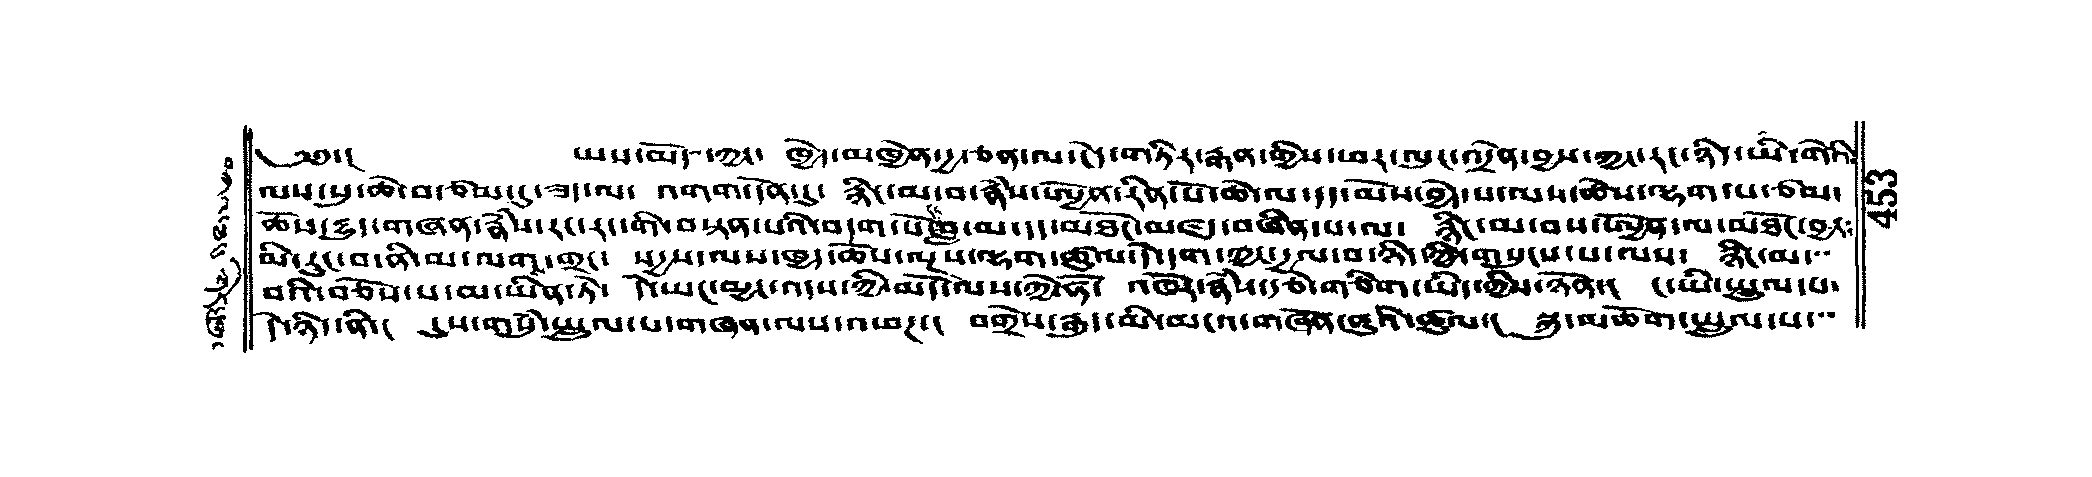ཡས་མོད་ཀྱང་། ཁྱེད་མཁྱེན་རྒྱ་ཅན་ལ་ངེད་གཏིར་རྒན་གྱིས་ཕར་ལུང་འདྲེན་བྱས་ཀྱང་རང་ཉིད་ཡི་གེའི་
ལས་སུ་ཆེ་བ་ཙམ་དུ་ཟད་ལ། འགག་དོན་དུ། རྙིང་མ་བ་རྣམས་ཨོ་རྒྱན་རིན་པོ་ཆེ་ལ་དད་མོས་བྱེད་པ་ལས་ཆེས་ལྷག་པ་ཙམ་
ཆོས་རྒྱུད་གཞན་རྣམས་རང་རང་གི་བསྟན་པའི་བདག་པོ་དང་བླ་མར་དད་མཐོང་མཛད་བཞིན་པ་ལ།རྙིང་མ་བས་ཨོ་རྒྱན་ལ་མཐོང་བྱར་
མི་རུང་བ་ནི་མ་ལགས་གྲང་། སངས་རྒྱས་ལས་ཁྱད་ཆོས་ལྔས་ལྷག་ཚུལ་དེ་དག་ཀྱང་རྒྱལ་བ་ཉིད་ཀྱིས་གསུངས་པ་ལས། རྙིང་མ་
བའི་བཅོས་པ་མ་ཡིན་ཏེ། དེ་ཡང་མྱང་འདས་ཀྱི་མདོ་ལས། ཀྱེ་ཧོ། འཁོར་རྣམས་རྩེ་གཅིག་ཡིད་ཀྱིས་ཉོན། །ང་ཡི་སྤྲུལ་པ་
དེ་ཉིད་ནི། །དུས་གསུམ་སྤྲུལ་པ་གཞན་ལས་འཕགས། །བགྲེས་རྒུད་མི་མངའ་གཞོན་ནུའི་ཚུལ། །སྐུ་མཆོག་སྤྲུལ་པ་